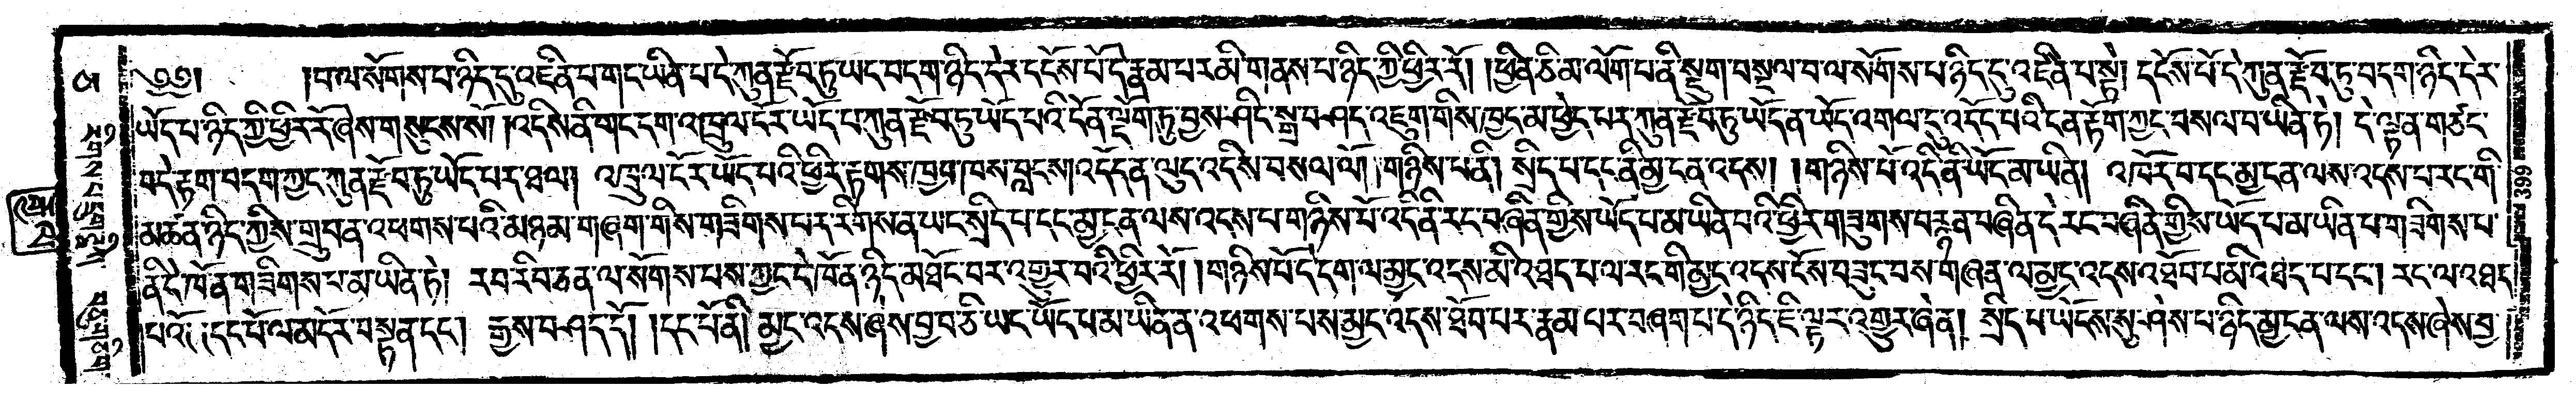༄༅། །བ་ལ་སོགས་པ་ཉིད་དུ་འཛིན་པ་གང་ཡིན་པ་དེ་ཀུན་རྫོབ་ཏུ་ཡང་བདག་ཉིད་དེར་དངོས་པོ་དེ་རྣམ་པར་མི་གནས་པ་ཉིད་ཀྱི་ཕྱིར་རོ། །ཕྱིན་ཅི་མ་ལོག་པ་ནི་སྡུག་བསྔལ་བ་ལ་སོགས་པ་ཉིད་དུ་འཛིན་པ་སྟེ། དངོས་པོ་དེ་ཀུན་རྫོབ་ཏུ་བདག་ཉིད་དེར་
ཡོད་པ་ཉིད་ཀྱི་ཕྱིར་རོ་ཞེས་གསུངས་སོ། །འདིས་ནི་གང་དག་འཁྲུལ་ངོར་ཡོད་པ་ཀུན་རྫོབ་ཏུ་ཡོད་པའི་དོན་ལྡོག་ཏུ་བྱས་ཤིང་སྒྲ་བཤད་འཇུག་གིས་ཁྱད་མ་ཕྱེད་པར་ཀུན་རྫོབ་ཏུ་ཡོད་ན་ཡོད་འགལ་དུ་འདོད་པའི་ངན་རྟོག་ཀྱང་བསལ་བ་ཡིན་ཏེ། དེ་ལྟ་ན་གཙང་
བདེ་རྟག་བདག་ཀྱང་ཀུན་རྫོབ་ཏུ་ཡོད་པར་ཐལ། འཁྲུལ་ངོར་ཡོད་པའི་ཕྱིར་རྟགས་ཁྱབ་ཁས་བླངས། འདོད་ན་ལུང་འདིས་བསལ་ལོ། །གཉིས་པ་ནི། སྲིད་པ་དང་ནི་མྱ་ངན་འདས། །གཉིས་པོ་འདི་ནི་ཡོད་མ་ཡིན། འཁོར་བ་དང་མྱ་ངན་ལས་འདས་པ་རང་གི་
མཚན་ཉིད་ཀྱིས་གྲུབ་ན་འཕགས་པའི་མཉམ་གཞག་གིས་གཟིགས་པར་རིགས་ན་ཡང་སྲིད་པ་དང་མྱ་ངན་ལས་འདས་པ་གཉིས་པོ་འདི་ནི་རང་བཞིན་གྱིས་ཡོད་པ་མ་ཡིན་པའི་ཕྱིར་གཟུགས་བརྙན་བཞིན་དེ་རང་བཞིན་གྱིས་ཡོད་པ་མ་ཡིན་པ་གཟིགས་པ་
ནི་དེ་ཁོ་ན་གཟིགས་པ་མ་ཡིན་ཏེ། རབ་རིབ་ཅན་ལ་སོགས་པས་ཀྱང་དེ་ཁོ་ན་ཉིད་མཐོང་བར་འགྱུར་བའི་ཕྱིར་རོ། །གཉིས་པོ་དེ་དག་ལ་མྱང་འདས་མི་འཐད་པ་ལ་རང་གི་མྱང་འདས་ངོས་བཟུང་བས་གཞན་ལ་མྱང་འདས་འཐོབ་པ་མི་འཐད་པ་དང་། རང་ལ་འཐད་
པའོ། །དང་པོ་ལ་མདོར་བསྟན་དང་། རྒྱས་བཤད་དོ། །དང་པོ་ནི། མྱང་འདས་ཞེས་བྱ་བ་ཅི་ཡང་ཡོད་པ་མ་ཡིན་ན་འཕགས་པས་མྱང་འདས་ཐོབ་པར་རྣམ་པར་བཞག་པ་དེ་ཉིད་ཇི་ལྟར་འགྱུར་ཞེ་ན། སྲིད་པ་ཡོངས་སུ་ཤེས་པ་ཉིད་མྱ་ངན་ལས་འདས་ཞེས་བྱ་